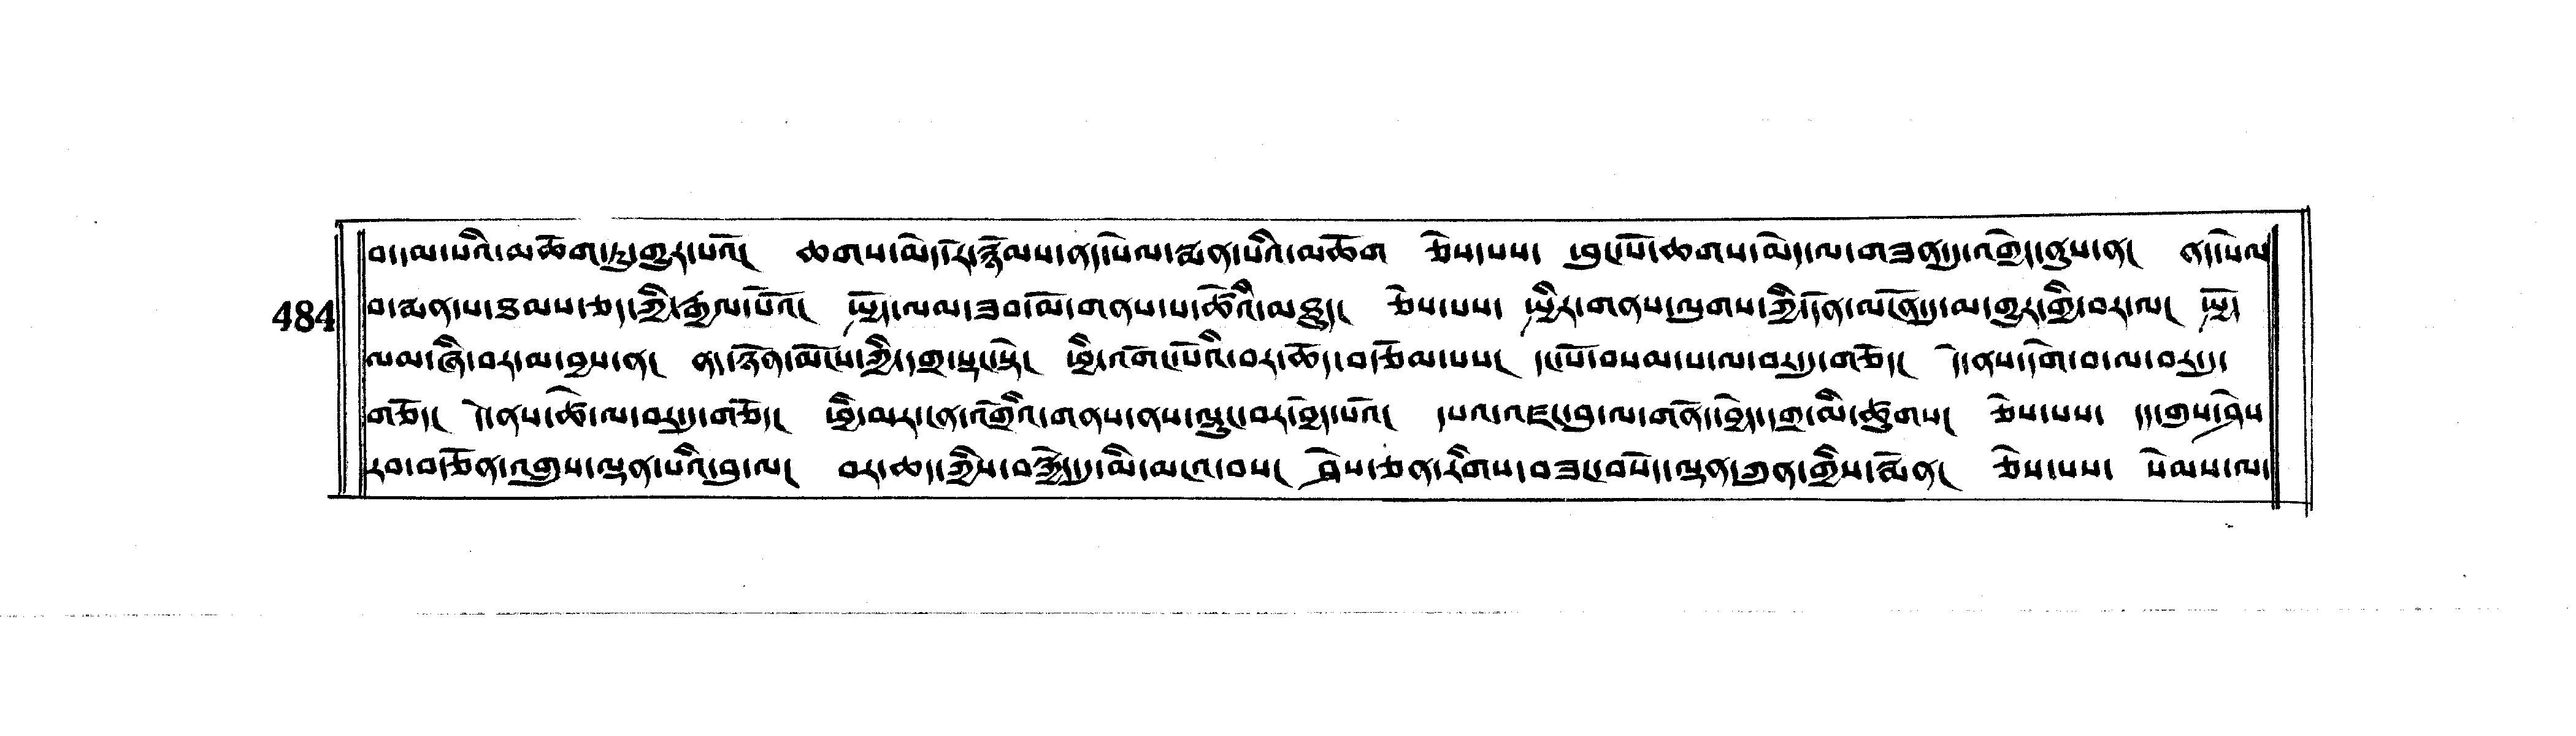བ་དམ་པའི་མཆོག་ཏུ་གྱུར་པའོ། ཆགས་མེད་རོ་སྙོམས་ནད་སེལ་སྨན་པའི་མཆོག ཕུང་པོ་ཆགས་མེད་ལ་གཟན་དུ་འགྱེད་ནུས་ན། ནད་སེལ་
བ་སྨན་ཐམས་ཅད་ཀྱི་རྒྱལ་པོའོ། སྤྱོད་ལམ་ཟབ་མོ་གནས་པ་ཚེའི་མཐུད། ཅེས་པས། སྤྱིར་གནས་ལུགས་ཀྱི་དོན་མངོན་དུ་མ་གྱུར་གྱི་བར་ལ། སྤྱོད་
ལམ་ཞི་བར་མ་བྱས་ན། ནད་ཉོན་མོངས་ཀྱི་དགྲ་སྡང་སྟེ། ཕྱི་འགོང་པོའི་བར་ཆད་རྩོམ་པས། དང་པོ་བསམ་པ་ལ་བར་དུ་གཅོད། དེ་ནས་དགེ་བ་ལ་བར་དུ་
གཅོད། དེ་ནས་ཚེ་ལ་བར་དུ་གཅོད། ཕྱི་མར་ངན་འགྲོའི་གནས་སུ་ལྟུང་བར་བྱེད་པའོ། དཔའ་འཛངས་བུ་ལ་གནོད་བྱེད་དགྲ་མི་ཚུགས། ཅེས་པས། དད་གུས་ཤེས་
རབ་བརྩོན་འགྲུས་ལྡན་པའི་བུ་ལ། བར་ཆད་ཀྱིས་བསྐྱེད་དུ་མི་མངའ་བས། ཤེས་ཅན་རིགས་བཟང་བསོད་ལྡན་ཀུན་གྱིས་སྨོན། ཅེས་པས། སེམས་ལ་